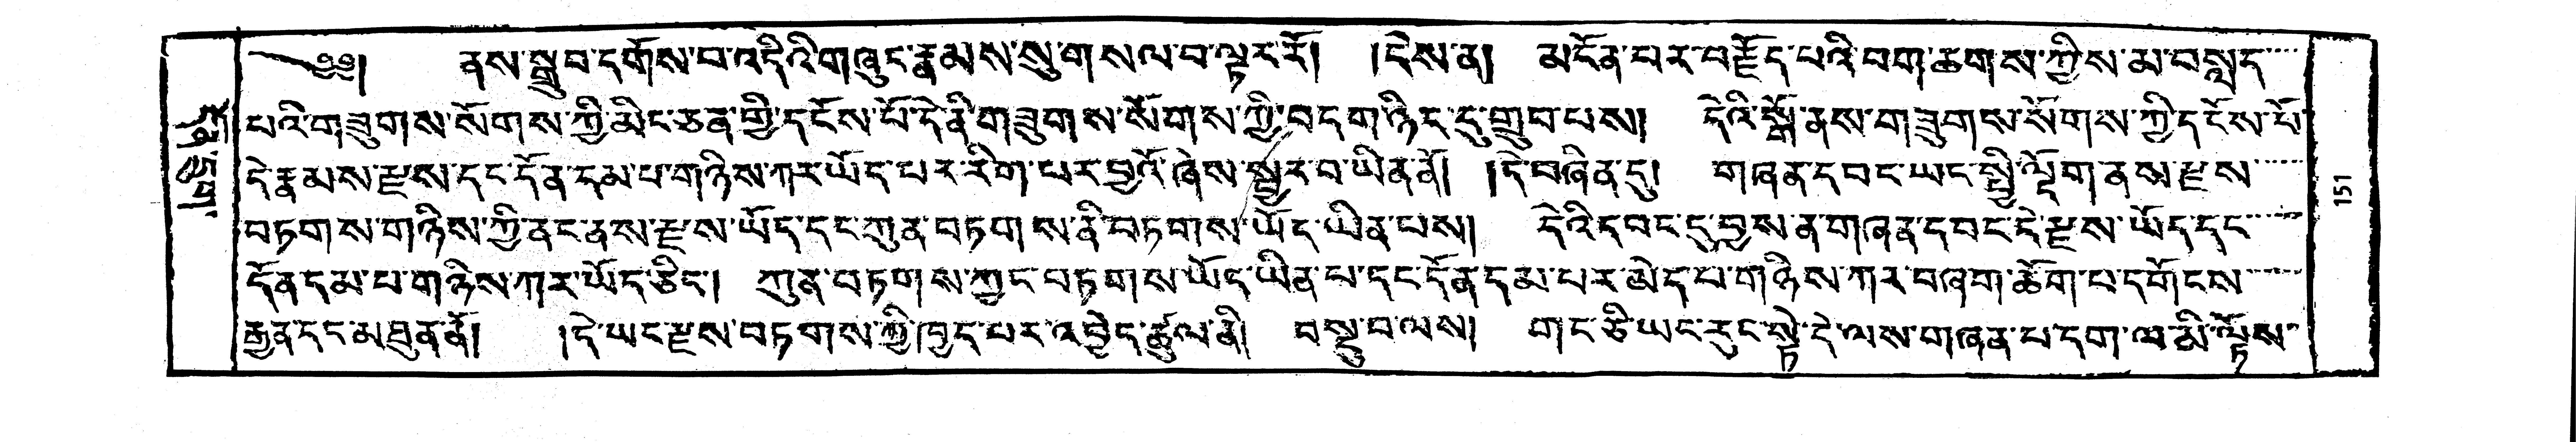༄༅། །ནས་སྒྲུབ་དགོས་པ་འདིའི་གཞུང་རྣམས་སུ་གསལ་བ་ལྟར་རོ། །དེས་ན། མངོན་པར་བརྗོད་པའི་བག་ཆགས་ཀྱིས་མ་བསླད་
པའི་གཟུགས་སོགས་ཀྱི་མིང་ཅན་གྱི་དངོས་པོ་དེ་ནི་གཟུགས་སོགས་ཀྱི་བདག་ཉིད་དུ་གྲུབ་པས། དེའི་སྒོ་ནས་གཟུགས་སོགས་ཀྱི་དངོས་པོ་
དེ་རྣམས་རྫས་དང་དོན་དམ་པ་གཉིས་ཀར་ཡོད་པར་རིག་པར་བྱའོ་ཞེས་སྦྱར་བ་ཡིན་ནོ། །དེ་བཞིན་དུ། གཞན་དབང་ཡང་སྤྱི་ལྡོག་ནས་རྫས་
བཏགས་གཉིས་ཀྱི་ནང་ནས་རྫས་ཡོད་དང་ཀུན་བཏགས་ནི་བཏགས་ཡོད་ཡིན་པས། དེའི་དབང་དུ་བྱས་ན་གཞན་དབང་དེ་རྫས་ཡོད་དང་
དོན་དམ་པ་གཉིས་ཀར་ཡོད་ཅིང་། ཀུན་བཏགས་ཀྱང་བཏགས་ཡོད་ཡིན་པ་དང་དོན་དམ་པར་མེད་པ་གཉིས་ཀར་བཞག་ཆོག་པ་དགོངས་
རྒྱན་དང་མཐུན་ནོ། །དེ་ཡང་རྫས་བཏགས་ཀྱི་ཁྱད་པར་འབྱེད་ཚུལ་ནི། བསྡུ་བ་ལས། གང་ཅི་ཡང་རུང་སྟེ་དེ་ལས་གཞན་པ་དག་ལ་མི་ལྟོས་